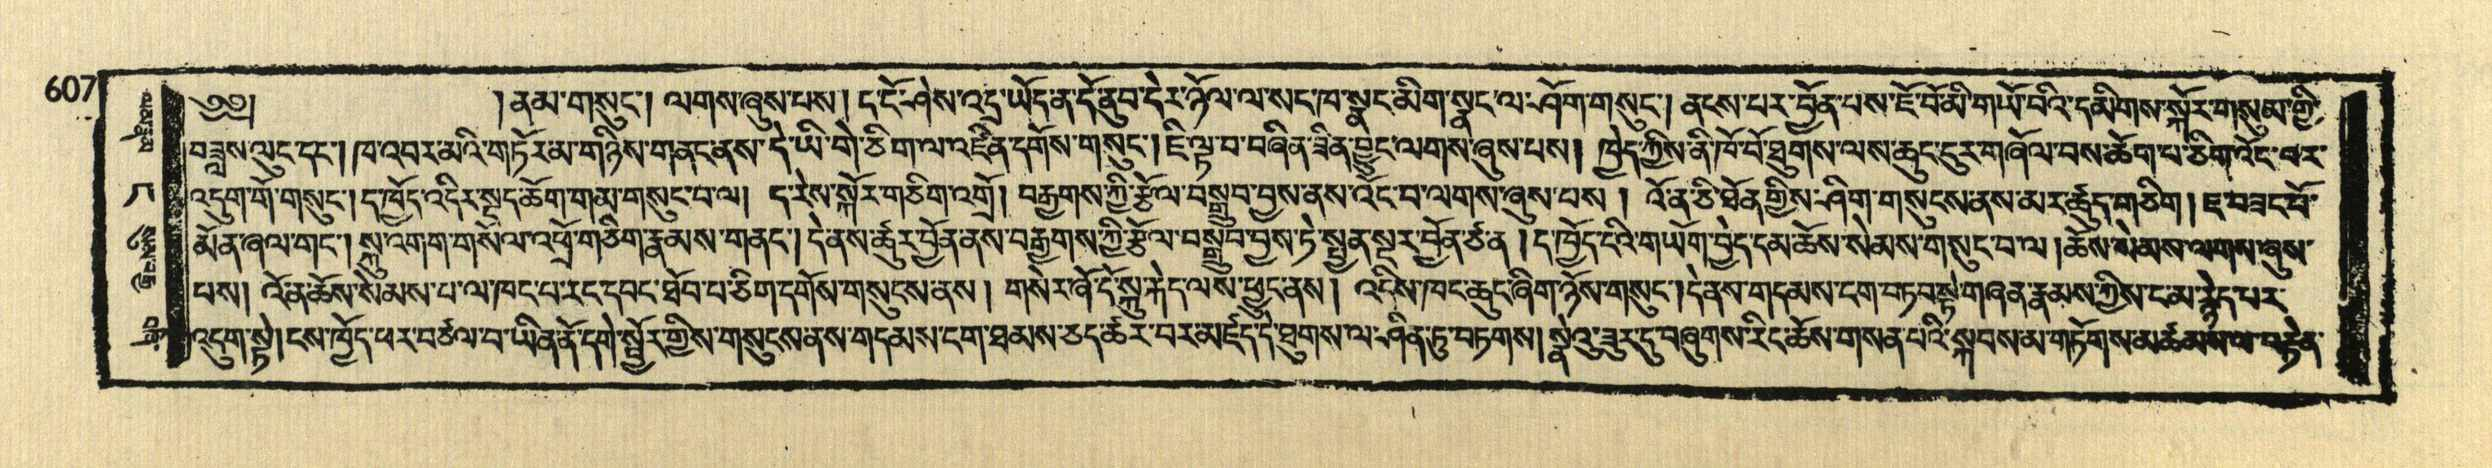༄༅། །ནམ་གསུང་། ལགས་ཞུས་པས། ད་ངོ་ཤེས་འདྲ་ཡོད་ན་དོ་ནུབ་དེར་ཉོལ་ལ་སང་ཁ་སྣང་མིག་སྣང་ལ་ཤོག་གསུང་། ནངས་པར་བྱོན་པས་ཇོ་བོ་མི་གཡོ་བའི་དམིགས་སྐོར་གསུམ་གྱི་
བཟླས་ལུང་དང་། ཁ་འབར་མའི་གཏོར་མ་གཉིས་གནང་ནས་དེ་ཡི་གེ་ཅིག་ལ་འཛིན་དགོས་གསུང་།ཇི་ལྟ་བ་བཞིན་ཟིན་བྱུང་ལགས་ཞུས་པས། ཁྱེད་ཀྱིས་ནི་ཁོ་བོ་ཐུགས་ལས་ཆུང་ངུར་གཞོལ་བས་ཆོག་པ་ཅིག་འོང་བར་
འདུག་གོ་གསུང་། ད་ཁྱོད་འདིར་སྔད་ཆོག་གམ་གསུང་བ་ལ། ད་རེས་སྐོར་གཅིག་འགྲོ། བརྒྱགས་ཀྱི་རྩོལ་བསྒྲུབ་བྱས་ནས་འོང་བ་ལགས་ཞུས་པས། འོ་ན་ཅི་ཐོན་གྱིས་ཤིག་གསུངས་ནས་མར་ཚུད་གཅིག། ཇ་བཟང་པོ་
མོན་ཞལ་གང་། སྐུ་འགག་གསོལ་འཕྲོ་གཅིག་རྣམས་གནང་། དེ་ནས་ཚུར་བྱོན་ནས་བརྒྱགས་ཀྱི་རྩོལ་བསྒྲུབ་བྱས་ཏེ་སྤྱན་སྔར་བྱོན་ཙ་ན། ད་ཁྱོད་ངའི་གཡོག་བྱེད་དམ་ཆོས་སེམས་གསུང་བ་ལ། ཆོས་སེམས་ལགས་ཞུས་
པས། འོ་ན་ཆོས་སེམས་པ་ལ་ཁང་པ་རང་དབང་ཐོབ་པ་ཅིག་དགོས་གསུངས་ནས། གསེར་ཞོ་དོ་སྐུ་རྐེད་ལས་ཕྱུང་ནས། འདིས་ཁང་ཆུང་ཞིག་ཉོས་གསུང་། དེ་ནས་གདམས་ངག་བཏབ་སྟེ་གཞན་རྣམས་ཀྱིས་ང་མ་རྙེད་པར་
འདུག་སྟེ། ངས་ཁྱོད་ཕར་བཙལ་བ་ཡིན་ནོ་དགེ་སྦྱོར་གྱིས་གསུངས་ནས་གདམས་ངག་ཐམས་ཅད་ཚར་བར་མཛད་དེ་ཐུགས་ལ་ཤིན་ཏུ་བཏགས། སྣེའུ་ཟུར་དུ་བཞུགས་རིང་ཆོས་གསན་པའི་སྐབས་མ་གཏོགས་མཚམས་ལ་བརྟེན་